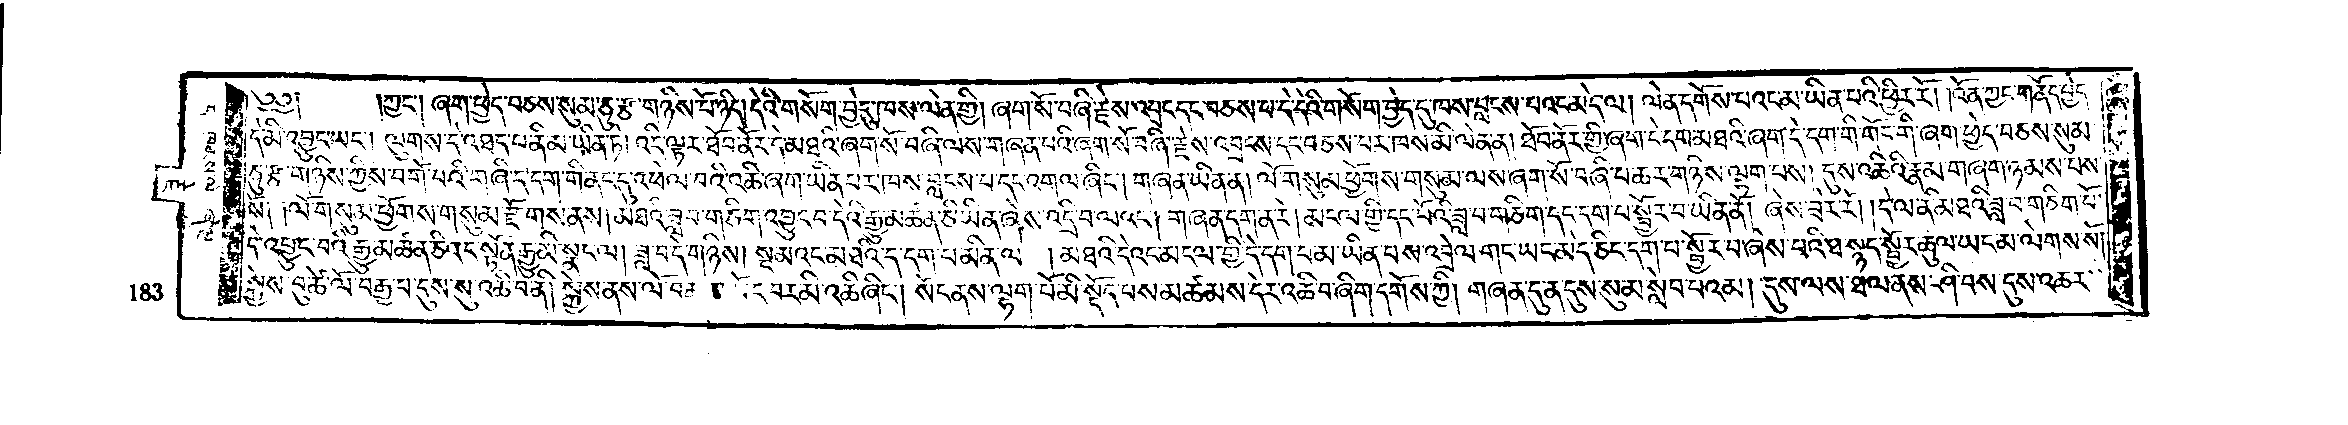༄༅། །ཀྱང་། ཞག་ཕྱེད་བཅས་སུམ་ཅུ་རྩ་གཉིས་པོ་ཉིད། དེའི་གསོག་བྱེད་དུ་ཁས་ལེན་གྱི། ཞག་སོ་བཞི་རྗེས་འབྲང་དང་བཅས་པ་དེ་དེའི་གསོག་བྱེད་དུ་ཁས་བླངས་པའང་མེད་ལ། ལེན་དགོས་པའང་མ་ཡིན་པའི་ཕྱིར་རོ། །འོན་ཀྱང་གནོད་བྱེད་
དེ་མི་འབྱུང་ཡང་། ལུགས་དེ་འཐད་པ་ནི་མ་ཡིན་ཏེ། འདི་ལྟར་ཐོབ་ནོར་དེ་མཐའི་ཞག་སོ་བཞི་ལས་གཞན་པའི་ཞག་སོ་བཞི་རྗེས་འབྲངས་དང་བཅས་པར་ཁས་མི་ལེན་ན། ཐོབ་ནོར་གྱི་ཞག་དེ་དག་མཐའི་ཞག་དེ་དག་གི་གོང་གི་ཞག་ཕྱེད་བཅས་སུམ་
ཅུ་རྩ་གཉིས་ཀྱིས་བགོ་པའི་གཞི་དེ་དག་གི་ནང་དུ་འཕེལ་བའི་འཆི་ཞག་ཡིན་པར་ཁས་བླངས་པ་དང་འགལ་ཞིང་། གཞན་ཡིན་ན། ལོ་གསུམ་ཕྱོགས་གསུམ་ལས་ཞག་སོ་བཞི་པ་ཆར་གཉིས་ལྷག་པས། དུས་འཆིའི་རྣམ་གཞག་ཉམས་པས་
སོ། །ལོ་གསུམ་ཕྱོགས་གསུམ་རྫོགས་ནས། མཐའི་ཟླ་བ་གཅིག་འབྱུང་བ་དེའི་རྒྱུ་མཚན་ཅི་ཡིན་ཞེས་འདྲི་བ་ལའང་། གཞན་དག་ན་རེ། མངལ་གྱི་དང་པོའི་ཟླ་བ་གཅིག་དང་དག་པ་སྦྱོར་བ་ཡིན་ནོ། ཞེས་ཟེར་རོ། །དེ་ལ་ནི་མཐའི་ཟླ་བ་གཅིག་པོ་
དེ་འབྱུང་བའི་རྒྱུ་མཚན་ཅིའང་སྟོན་རྒྱུ་མི་སྣང་ལ། ཟླ་བ་དེ་གཉིས། སྔ་མའང་མཐའི་ད་དག་པ་མིན་ལ། མཐའི་དེའང་མངལ་གྱི་དེ་དག་པ་མ་ཡིན་པས་འབྲེལ་གང་ཡང་མེད་ཅིང་དག་པ་སྦྱོར་པ་ཞེས་པའི་ཐ་སྙད་སྦྱོར་ཚུལ་ཡང་མ་ལེགས་སོ།
སྐྱེས་བུ་ཚེ་ལོ་བརྒྱ་པ་དུས་སུ་འཆི་བ་ནི། སྐྱེས་ནས་ལོ་བརྒྱ་པ་སོང་བར་མི་འཆི་ཞིང་། སོང་ནས་ལྷག་པོ་མི་སྡོད་པས་མཚམས་དེར་འཆི་བ་ཞིག་དགོས་ཀྱི། གཞན་དུ་ན་དུས་སུ་མ་སླེབ་པའམ། དུས་ལས་ཐལ་ནས་ཤི་བས་དུས་འཆར་